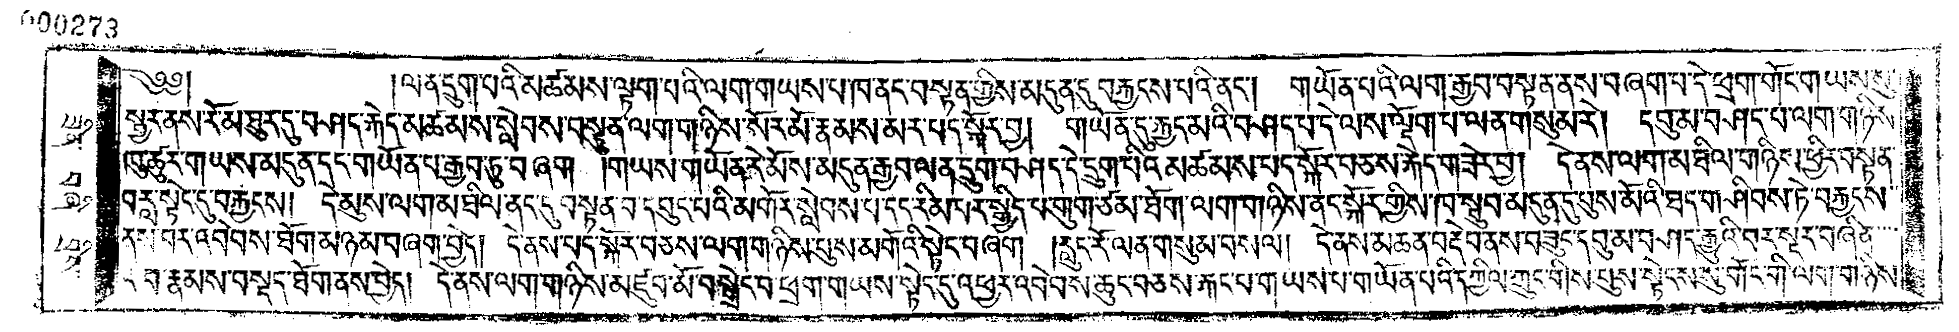༄༅། །ལན་དྲུག་པའི་མཚམས་ལྟག་པའི་ལག་གཡས་པ་ཁ་ནང་བསྟན་གྱིས་མདུན་དུ་བརྐྱངས་པའི་ནང་། གཡོན་པའི་ལག་རྒྱབ་བསྟན་ནས་བཞག་པ་དེ་ཕྲག་གོང་གཡས་སུ་
སྦྱར་ནས་རོ་མ་ཐུར་དུ་བཤད་རྐེད་མཚམས་སླེབས་བསྟུན་ལག་གཉིས་སོར་མོ་རྣམས་མར་པད་སྐོར་བྱ། གཡོན་དུ་རྐྱང་མའི་བཤད་པ་དེ་ལས་ལྡོག་པ་ལན་གསུམ་རེ། དབུ་མ་བཤད་པ་ལག་གཉིས་
ཁུ་ཚུར་གཡས་མདུན་དང་གཡོན་པ་རྒྱབ་ཏུ་བཞག །གཡས་གཡོན་རེ་མོས་མདུན་རྒྱབ་ལན་དྲུག་བཤད་དེ་དྲུག་པའི་མཚམས་པད་སྐོར་བཅས་རྐེད་གཟེར་བྱ། དེ་ནས་ལག་མཐིལ་གཉིས་ཕྱིར་བསྟན་
བརླ་སྟེང་དུ་བརྐྱངས། དེ་མུས་ལག་མཐིལ་ནང་དུ་བསྟན་པ་དབུང་པའི་མགོར་སླེབས་པ་དང་རིམ་པར་སྒྱིད་པ་གུག་ཙམ་ཐོག་ལག་གཉིས་ནང་སྐོར་གྱིས་ཁ་སྦུབ་མདུན་དུ་པུས་མོའི་ཐད་གཤིབས་ཏེ་བརྐྱངས་
ནས་བར་འབེབས་ཐོག་མཉམ་བཞག་བྱེད། དེ་ནས་པད་སྐོར་བཅས་ལག་གཉིས་པུས་མགོའི་སྟེང་བཞག །རླུང་རོ་ལན་གསུམ་བསལ། དེ་ནས་མཆན་བརྡེབ་ནས་བཟུང་དབུ་མ་བཤད་རྒྱུའི་བར་སྔར་བཞིན་
རྔ་བ་རྣམས་བསྡད་ཐོག་ནས་བྱེད། དེ་ནས་ལག་གཉིས་མཛུབ་མོ་བསྒྲེང་བ་ཕྲག་གཡས་སྟེང་དུ་འཕྱར་འབེབས་ཆུང་བཅས་རྐང་པ་གཡས་པ་གཡོན་པའི་དཀྱིལ་ཀྲུང་གིས་པུས་སྟེངས་སུ་གོང་གི་ལག་གཉིས་